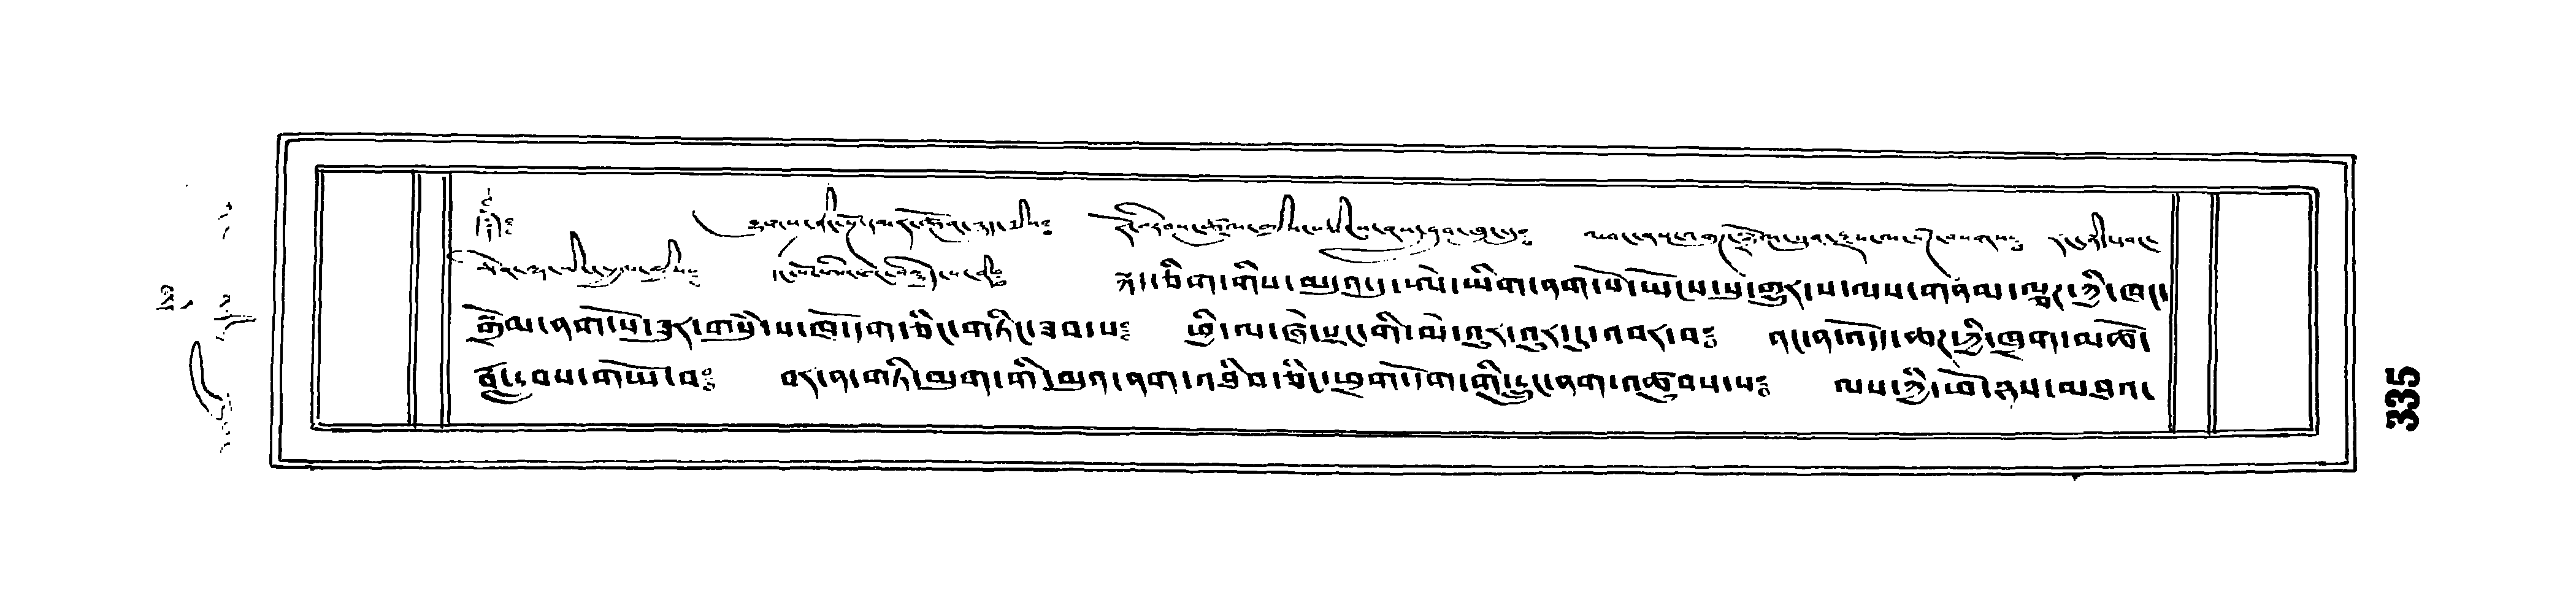བྱུགས་ཤིང་སྔོ་དམར་ཚོན་སྐུད་ཀྱིས༔ རོ་ལྟེབས་ཚུལ་གྱིས་བཅིངས་ནས་བྲུབ་ཁུང་དུ༔ འཕངས་ནས་འགུགས་སྒྲོལ་ཐུན་རྫས་ལ་སོགས་བསགས༔ རང་ཉིད་དབང་
ཆེན་ལྷ་ཡི་ང་རྒྱལ་གྱིས༔ དང་པོ་ཨེ་ཁང་བསྐྱེད་པ་ནི༔ སྐད་ཅིག་གིས་མདུན་དུ་ཨེ་ཡིག་ནག་པོ་ཡོངས་སུ་གྱུར་པ་ལས་གནམ་ལྕགས་ཀྱི་ཁང་
སྒྲོམ་ནག་པོ་ཟུར་གསུམ་པ་ཁ་དོག་ཅིང་གཏིང་ཟབ་པ༔ ཕྱི་ལ་ཞེ་སྡང་གི་མེ་འུར་འུར་དུ་འབར་བ༔ ནང་ན་འདོད་ཆགས་ཀྱི་ཁྲག་མཚོ་
རྦ་རླབས་གཡོ་བ༔ བར་ན་གཏི་མུག་གི་མུན་ནག་འཐིབ་ཅིང་ཕྲག་དོག་གི་རླུང་ནག་འཚུབས་པ༔ ལས་ཀྱི་ཕོ་ཉས་མཐའ་